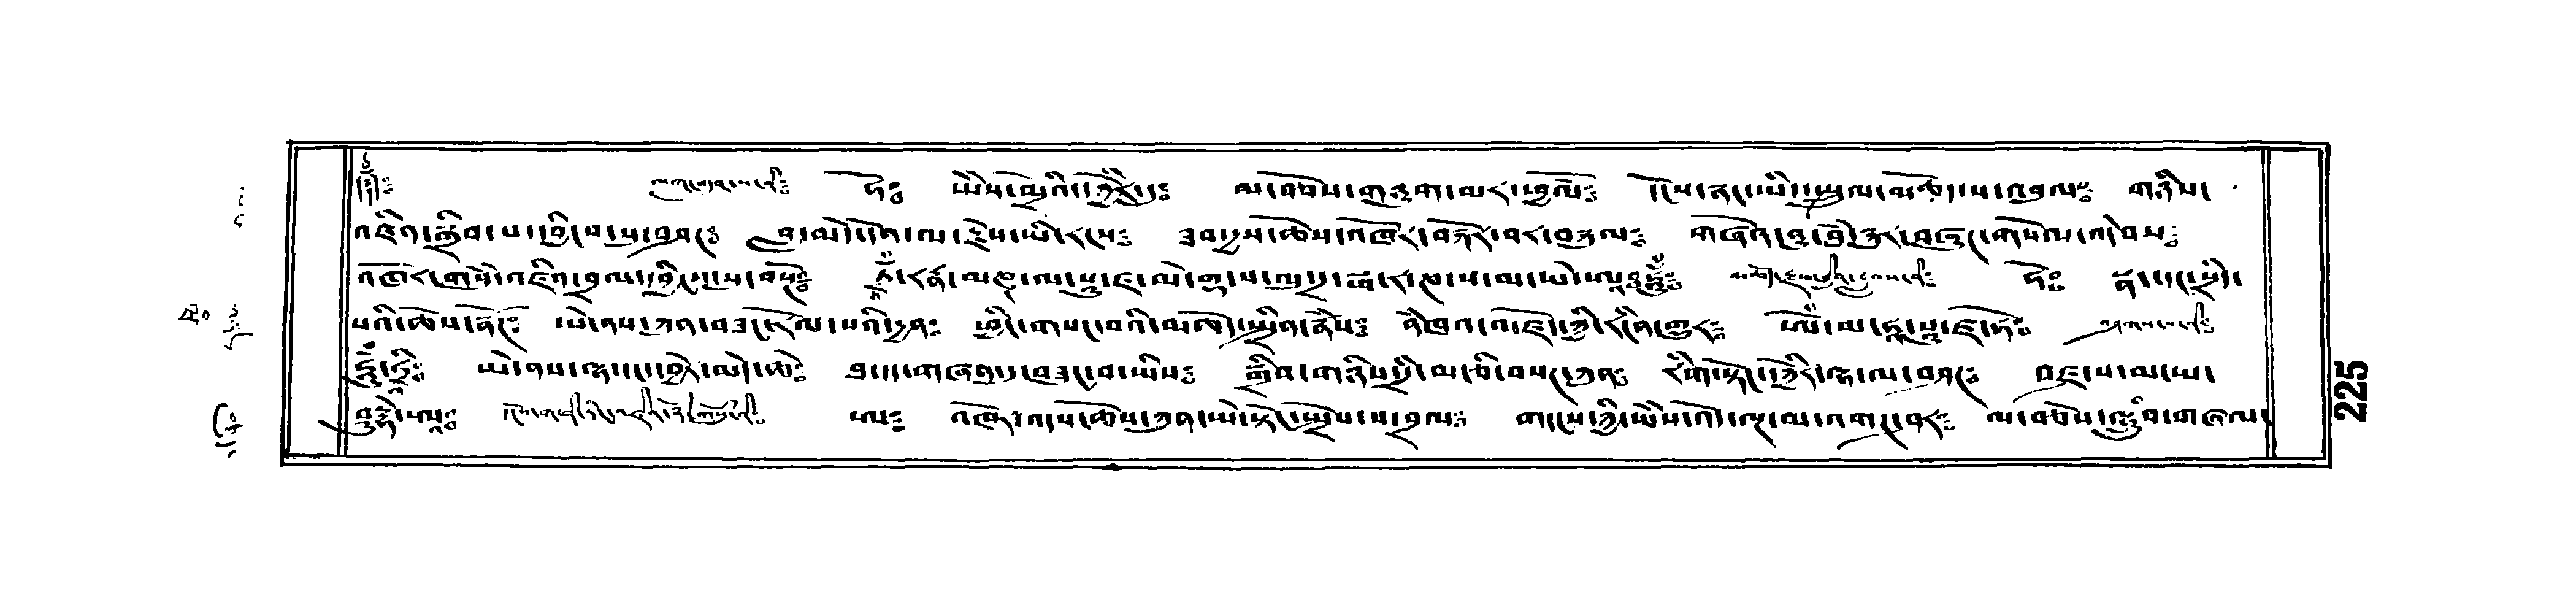ལག་བདུན་པ་ནི༔ ཧོཿ ཡེ་ཤེས་མཁའ་འགྲོའི་དཀྱིལ་འཁོར་དུ༔ མ་བཅོས་གཉུག་མར་ཕྱག་འཆལ་ལོ༔ དངོས་སྣང་ཡིད་སྤྲུལ་མཆོད་པ་འབུལ༔ གཉིས་
འཛིན་སྒྲིབ་པ་དབྱིངས་སུ་བཤགས༔ བླ་མེད་དོན་ལ་རྗེས་ཡི་རངས༔ ཟབ་རྒྱས་ཆོས་འཁོར་བསྐོར་བར་བསྐུལ༔ གཞོན་ནུ་བུམ་སྐུར་བཞུགས་གསོལ་འདེབས༔ 
འཁོར་གསུམ་འཛིན་བྲལ་དབྱིངས་སུ་བསྔོ༔ ཏྲཱྃ་རཏྣ་མཎྜལ་ལ་པཱུ་ཛ་མེ་གྷ་ས་མུ་དྲ་སྥ་ར་ཎ་ས་མ་ཡེ་ཨཱཿཧཱུྃ༔ མཆོད་རྫས་བྱིན་རླབས་ནི༔ ཧོཿ སྣང་དང་སྲིད་
པའི་ཆོས་སྣ་ཚོགས༔ ཡེ་ནས་ཀུན་བཟང་རོལ་པའི་རྒྱན༔ ཕྱི་ནང་གསང་བའི་མཆོད་སྤྲིན་རྣམས༔ ནམ་མཁའ་མཛོད་ཀྱི་རང་བཞིན་གྱུར༔ ཨོཾ་མ་ཧཱ་པཱུ་ཛ་ཧོཿ བཤགས་པ་ནི༔ 
ཧཱུྃ་ཧྲཱིཿ ཡེ་ནས་ལྷ་དང་དབྱེར་མེད་ཆེ༔ ཐ་དད་གཞན་དུ་བཟུང་བ་ཡིས༔ སྒྲིབ་གཉིས་དྲི་མ་ཅི་བསགས་ཀུན༔རིག་སྟོང་དཀྱིལ་འཁོར་ལྷ་ལ་བཤགས༔ བཛྲ་ས་མ་ཡ་
ཤུདྡྷེ་ཨཱཿ དངོས་གཞི་ཏིང་འཛིན་རྣམ་གསུམ་ནི༔ ཨཱཿ འཁོར་འདས་ཆོས་ཀུན་ཡེ་སྟོང་སྤྲོས་པ་བྲལ༔ གདངས་ཀྱི་ཡེ་ཤེས་འོད་ལྔ་མ་འགགས་ཤར༔ མ་བཅོས་ལྷུན་གྲུབ་གཞལ་